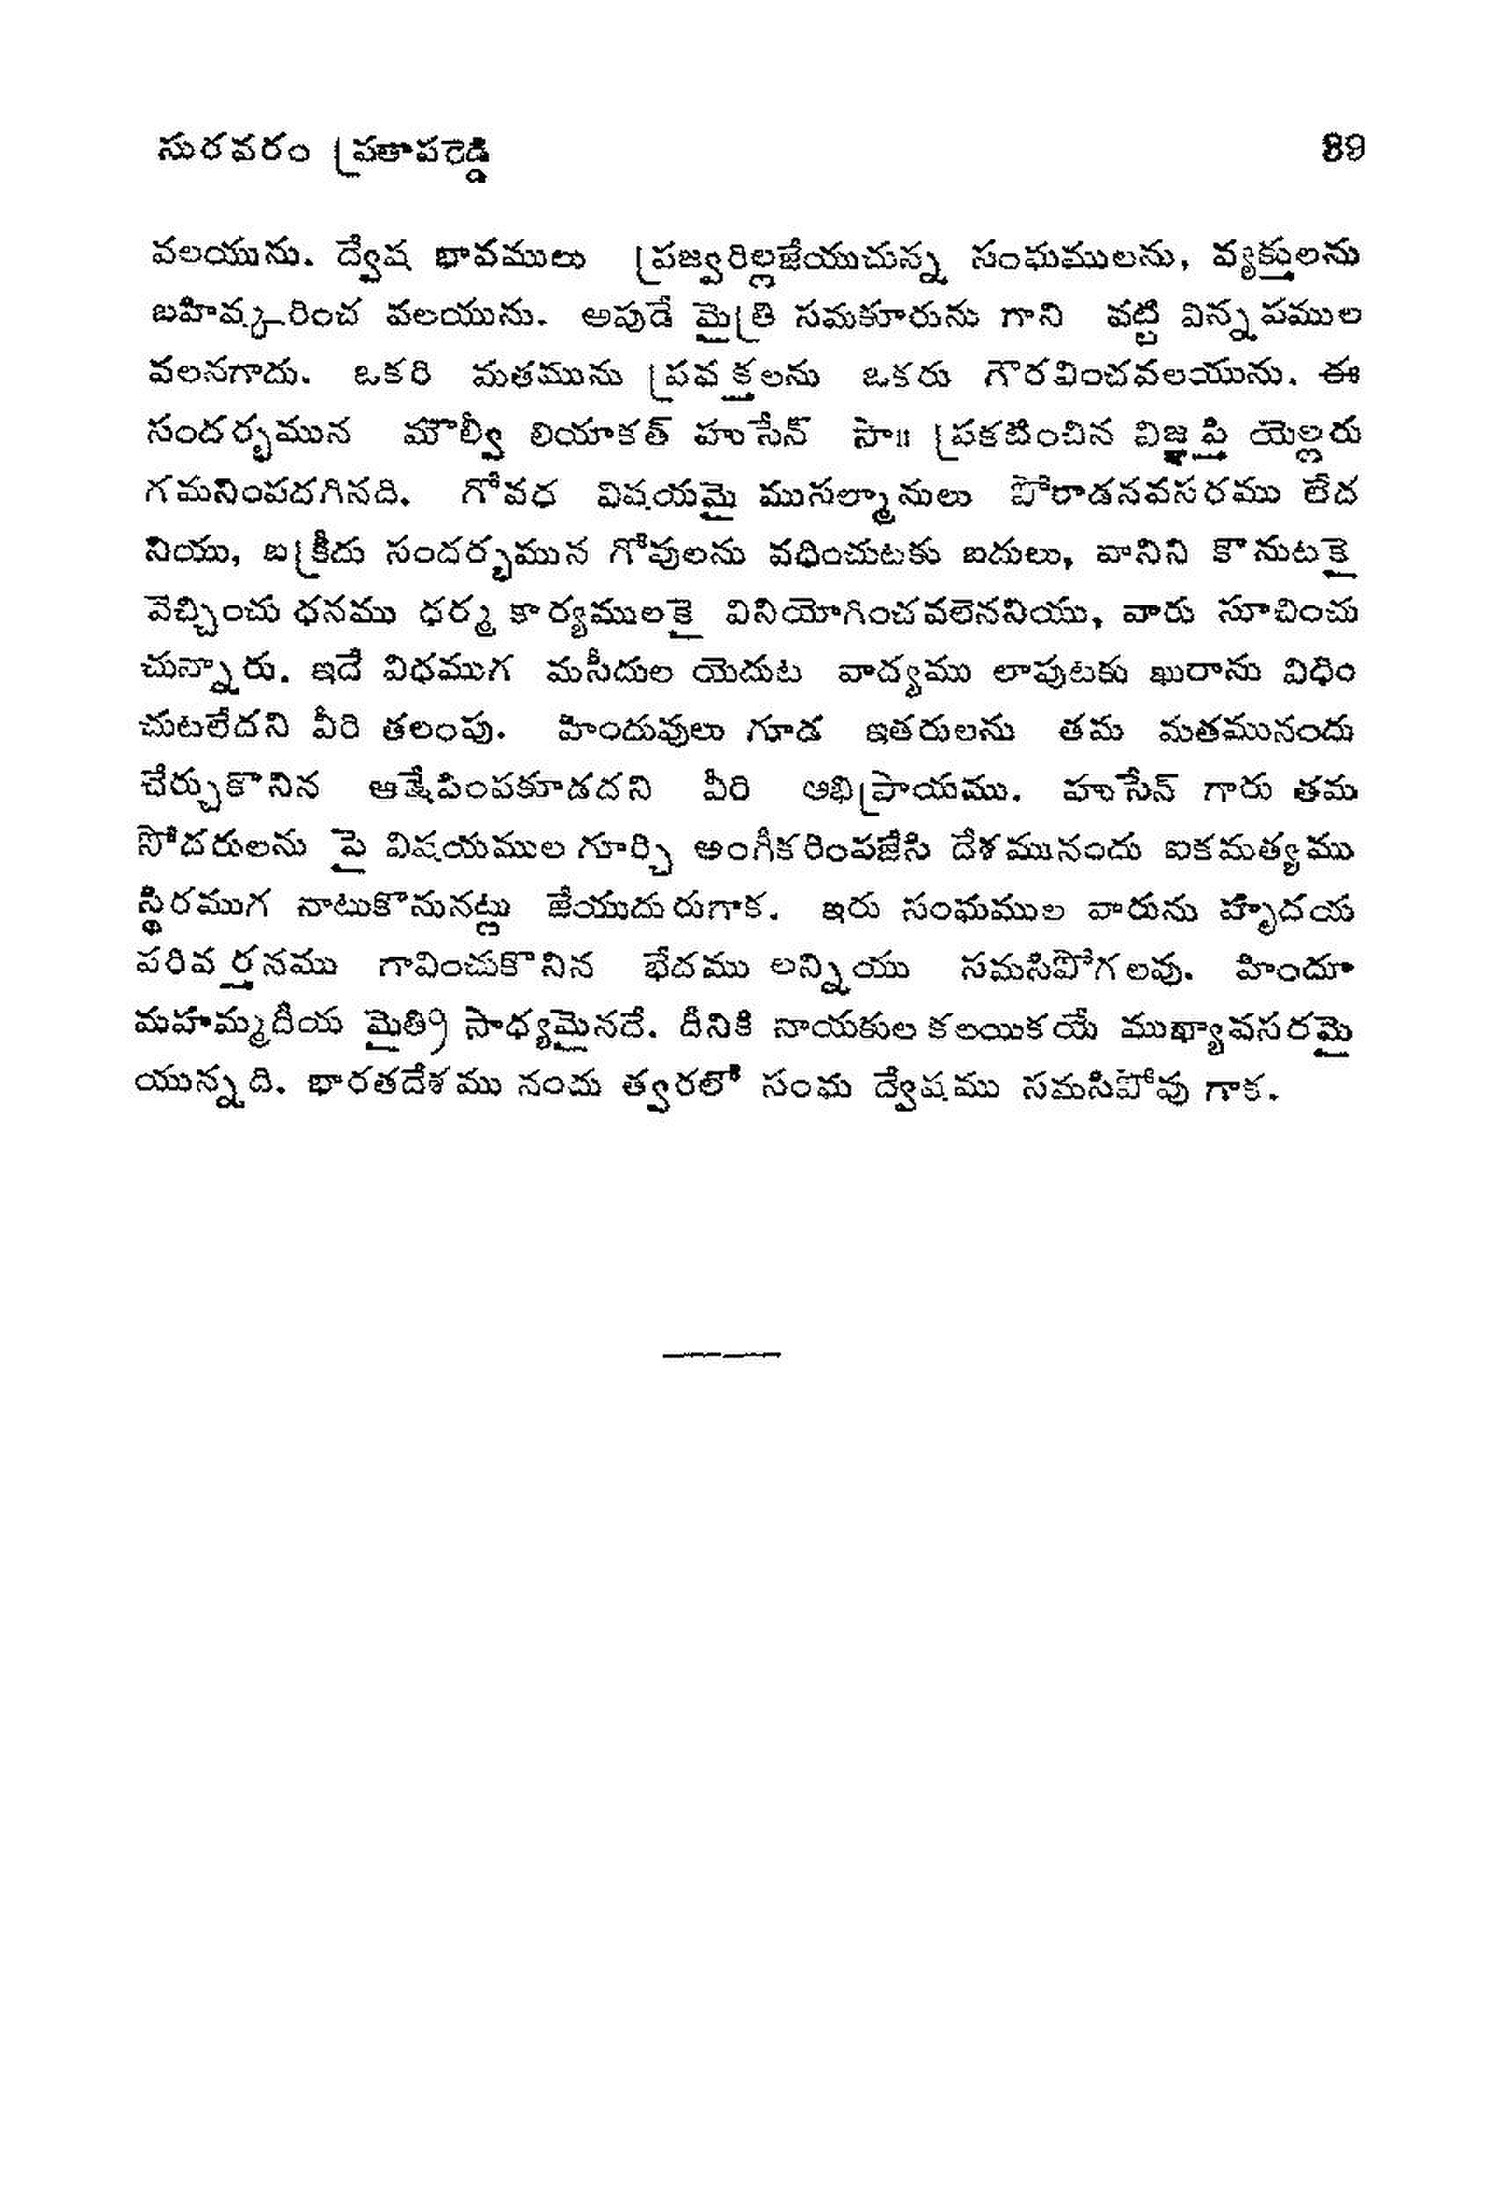వలయును. ద్వేష భావములు ప్రజ్వరిల్లజేయుచున్న సంఘములను, వ్యక్తులను బహిష్కరించ వలయును. అపుడే మైత్రి సమకూరును గాని వట్టి విన్నపముల వలనగాదు. ఒకరి మతమును ప్రవక్తలను ఒకరు గౌరవించవలయును. ఈ సందర్భమున మౌల్వీ లియాకత్ హుసేన్ సా॥ ప్రకటించిన విజ్ఞప్తి యెల్లరు గమనింపదగినది. గోవధ విషయమై ముసల్మానులు పోరాడనవసరము లేదనియు, బక్రీదు సందర్భమున గోవులను వధించుటకు బదులు, వానిని కొనుటకై వెచ్చించు ధనము ధర్మ కార్యములకై వినియోగించవలెననియు, వారు సూచించుచున్నారు. ఇదే విధముగ మసీదుల యెదుట వాద్యము లాపుటకు ఖురాను విధించుటలేదని వీరి తలంపు. హిందువులు గూడ ఇతరులను తమ మతమునందు చేర్చుకొనిన ఆక్షేపింపకూడదని వీరి అభిప్రాయము. హుసేన్ గారు తమ సోదరులను పై విషయముల గూర్చి అంగీకరింపజేసి దేశమునందు ఐకమత్యము స్థిరముగ నాటుకొనునట్లు జేయుదురుగాక. ఇరు సంఘముల వారును హృదయ పరివర్తనము గావించుకొనిన భేదము లన్నియు సమసిపోగలవు. హిందూ
మహమ్మదీయ మైత్రి సాధ్యమైనదే. దీనికి నాయకుల కలయికయే ముఖ్యావసరమై యున్నది. భారతదేశము నందు త్వరలో సంఘ ద్వేషము సమసిపోవు గాక.